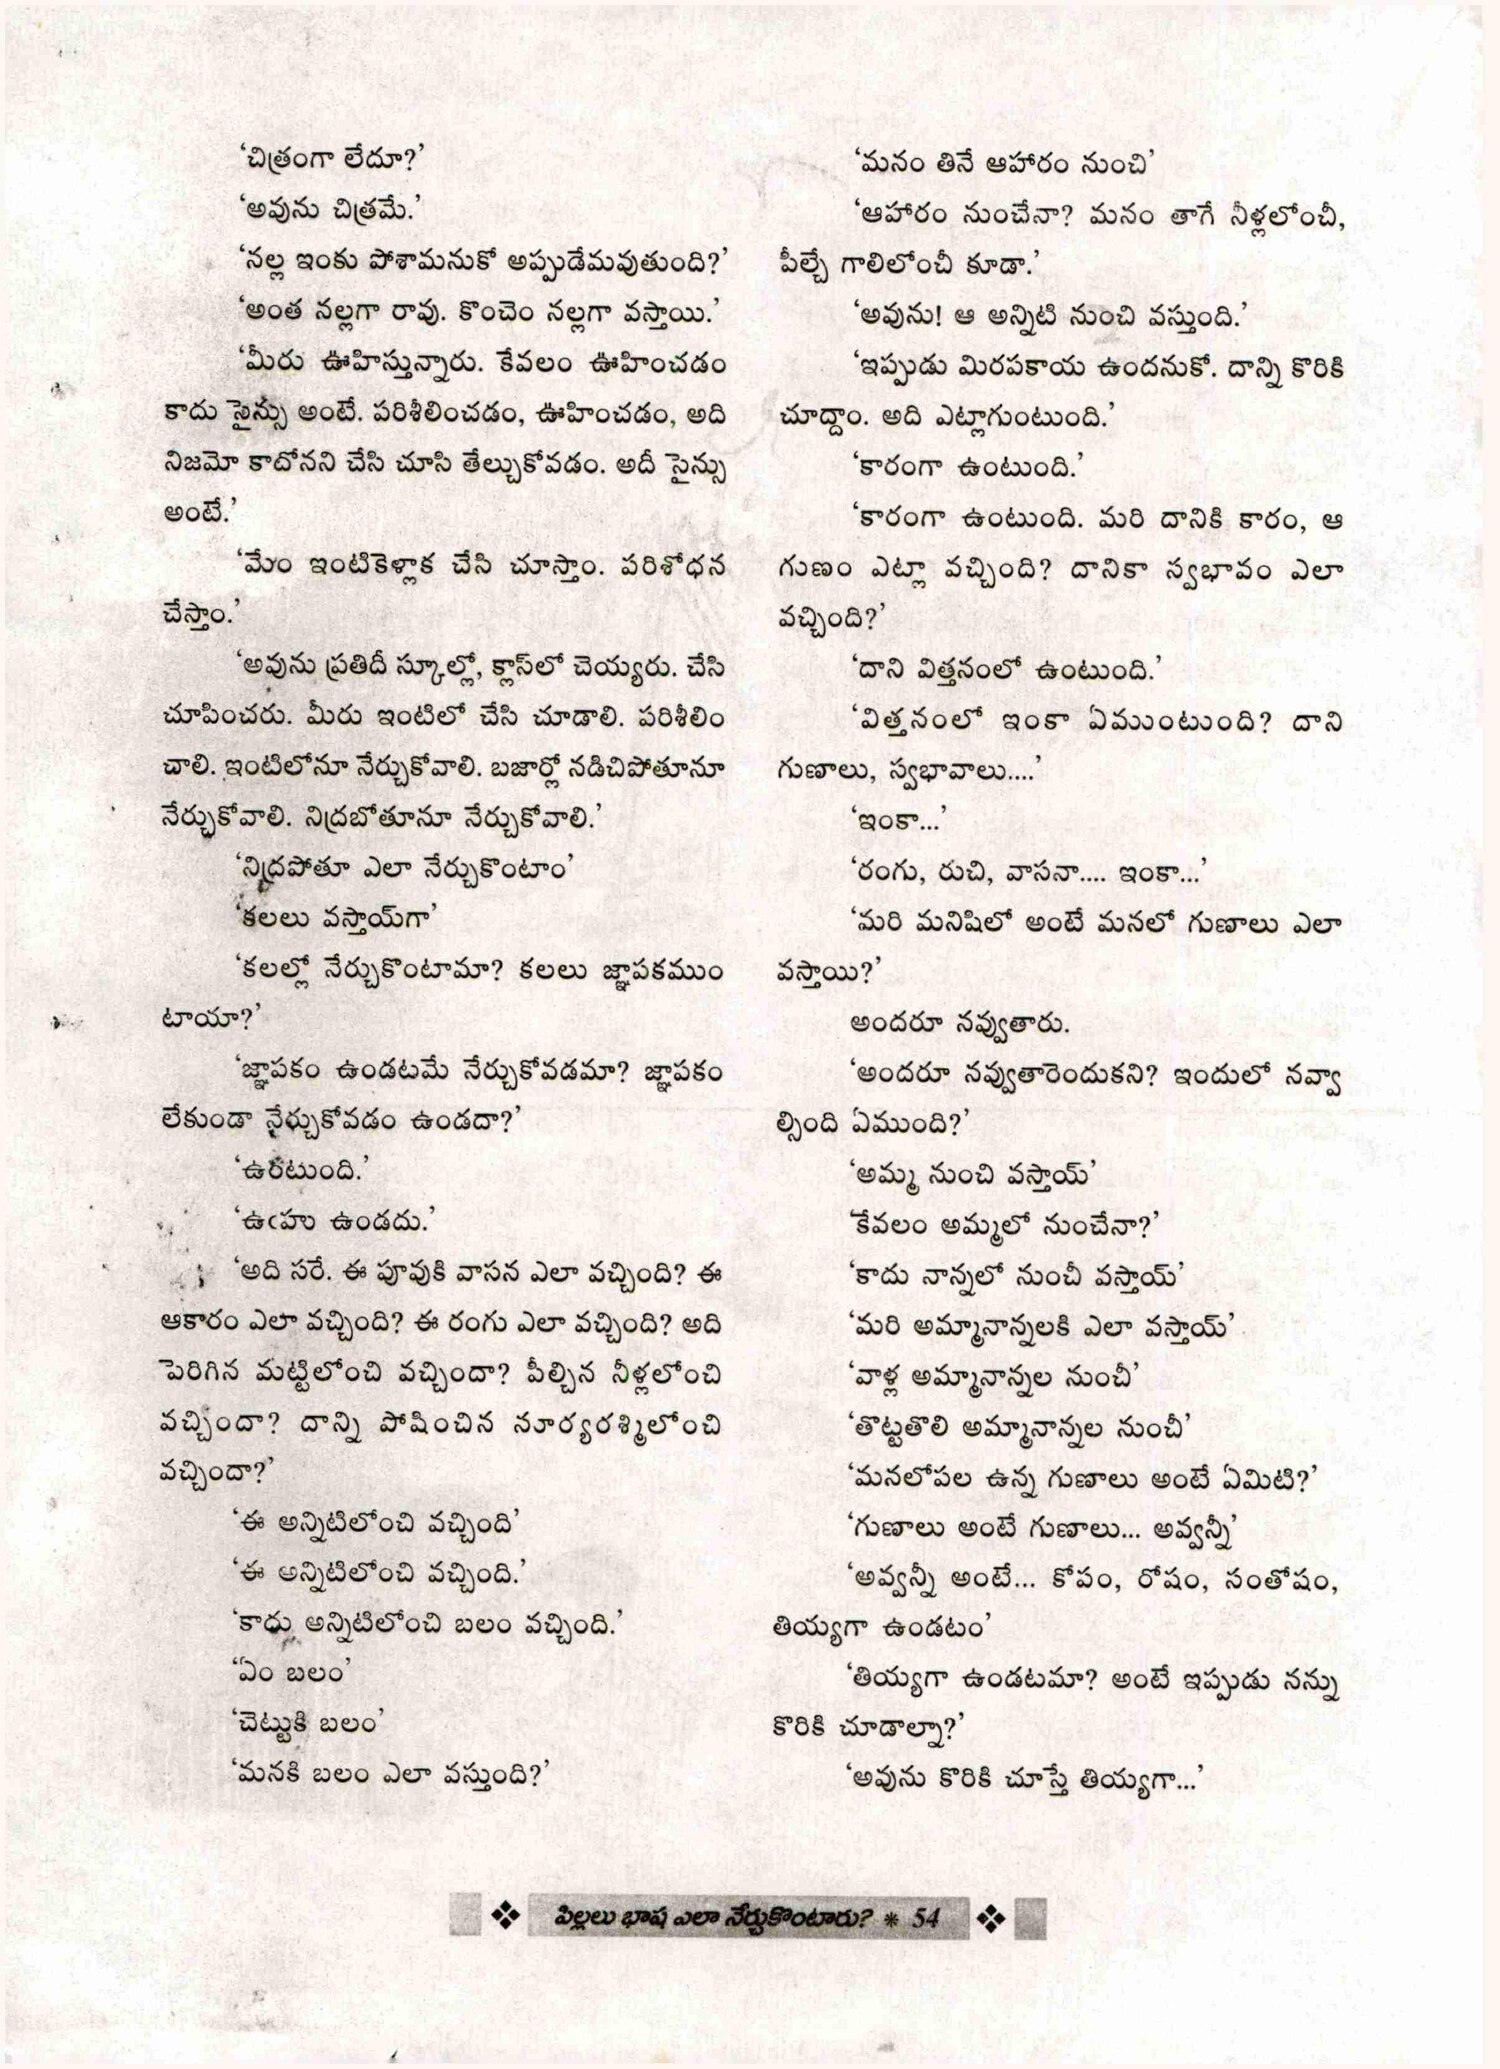‘చిత్రంగా లేదూ?’

'అవును చిత్రమే.'

'నల్ల ఇంకు పోశామనుకో అప్పుడేమవుతుంది?'

'అంత నల్లగా రావు. కొంచెం నల్లగా వస్తాయి.

'మీరు ఊహిస్తున్నారు. కేవలం ఊహించడం కాదు సైన్సు అంటే. పరిశీలించడం, ఊహించడం, అది నిజమో కాదోనని చేసి చూసి తేల్చుకోవడం. అదీ సైన్సు అంటే.'

'మేం ఇంటికెళ్లాక చేసి చూస్తాం. పరిశోధన చేస్తాం.'

'అవును ప్రతిదీ స్కూల్లో, క్లాస్‌లో చెయ్యరు. చేసి చూపించరు. మీరు ఇంటిలో చేసి చూడాలి. పరిశీలించాలి. ఇంటిలోనూ నేర్చుకోవాలి. బజార్లో నడిచిపోతూనూ నేర్చుకోవాలి. నిద్రబోతూనూ నేర్చుకోవాలి.'

'నిద్రపోతూ ఎలా నేర్చుకొంటాం’

'కలలు వస్తాయ్‌గా'

'కలల్లో నేర్చుకొంటామా? కలలు జ్ఞాపకముంటాయా?'

'జ్ఞాపకం ఉండటమే నేర్చుకోవడమా? జ్ఞాపకం లేకుండా నేర్చుకోవడం ఉండదా?'

'ఉంటుంది.'

'ఉఁహు ఉండదు.'

‘అది సరే. ఈ పూవుకి వాసన ఎలా వచ్చింది? ఈ ఆకారం ఎలా వచ్చింది? ఈ రంగు ఎలా వచ్చింది? అది పెరిగిన మట్టిలోంచి వచ్చిందా? పీల్చిన నీళ్లలోంచి వచ్చిందా? దాన్ని పోషించిన సూర్యరశ్మిలోంచి వచ్చిందా?'

'ఈ అన్నిటిలోంచి వచ్చింది'

'ఈ అన్నిటిలోంచి వచ్చింది.'

'కాదు అన్నిటిలోంచి బలం వచ్చింది.'

'ఏం బలం'
'
'చెట్టుకి బలం'

'మనకి బలం ఎలా వస్తుంది?'

'మనం తినే ఆహారం నుంచి'

‘ఆహారం నుంచేనా? మనం తాగే నీళ్లలోంచీ, పీల్చే గాలిలోంచీ కూడా.'

'అవును! ఆ అన్నిటి నుంచి వస్తుంది.'

'ఇప్పుడు మిరపకాయ ఉందనుకో. దాన్ని కొరికి చూద్దాం. అది ఎట్లాగుంటుంది.'

'కారంగా ఉంటుంది.'

కారంగా ఉంటుంది. మరి దానికి కారం, ఆ గుణం ఎట్లా వచ్చింది? దానికా స్వభావం ఎలా వచ్చింది?'

'దాని విత్తనంలో ఉంటుంది.'

'విత్తనంలో ఇంకా ఏముంటుంది? దాని గుణాలు, స్వభావాలు....'

'ఇంకా...'

' రంగు, రుచి, వాసనా.... ఇంకా...'

'మరి మనిషిలో అంటే మనలో గుణాలు ఎలా వస్తాయి?

అందరూ నవ్వుతారు.

'అందరూ నవ్వుతారెందుకని? ఇందులో నవ్వాల్సింది ఏముంది?'

'అమ్మ నుంచి వస్తాయ్'

'కేవలం అమ్మలో నుంచేనా?'

'కాదు నాన్నలో నుంచీ వస్తాయ్'

'మరి అమ్మానాన్నలకి ఎలా వస్తాయ్'

'వాళ్ల అమ్మానాన్నల నుంచీ’

'తొట్టతొలి అమ్మానాన్నల నుంచీ'

‘మనలోపల ఉన్న గుణాలు అంటే ఏమిటి?'

'గుణాలు అంటే గుణాలు... అవ్వన్నీ'

'అవ్వన్నీ అంటే... కోపం, రోషం, సంతోషం, తియ్యగా ఉండటం'

'తియ్యగా ఉండటమా? అంటే ఇప్పుడు నన్ను కొరికి చూడాల్నా?'

'అవును కొరికి చూస్తే తియ్యగా... '